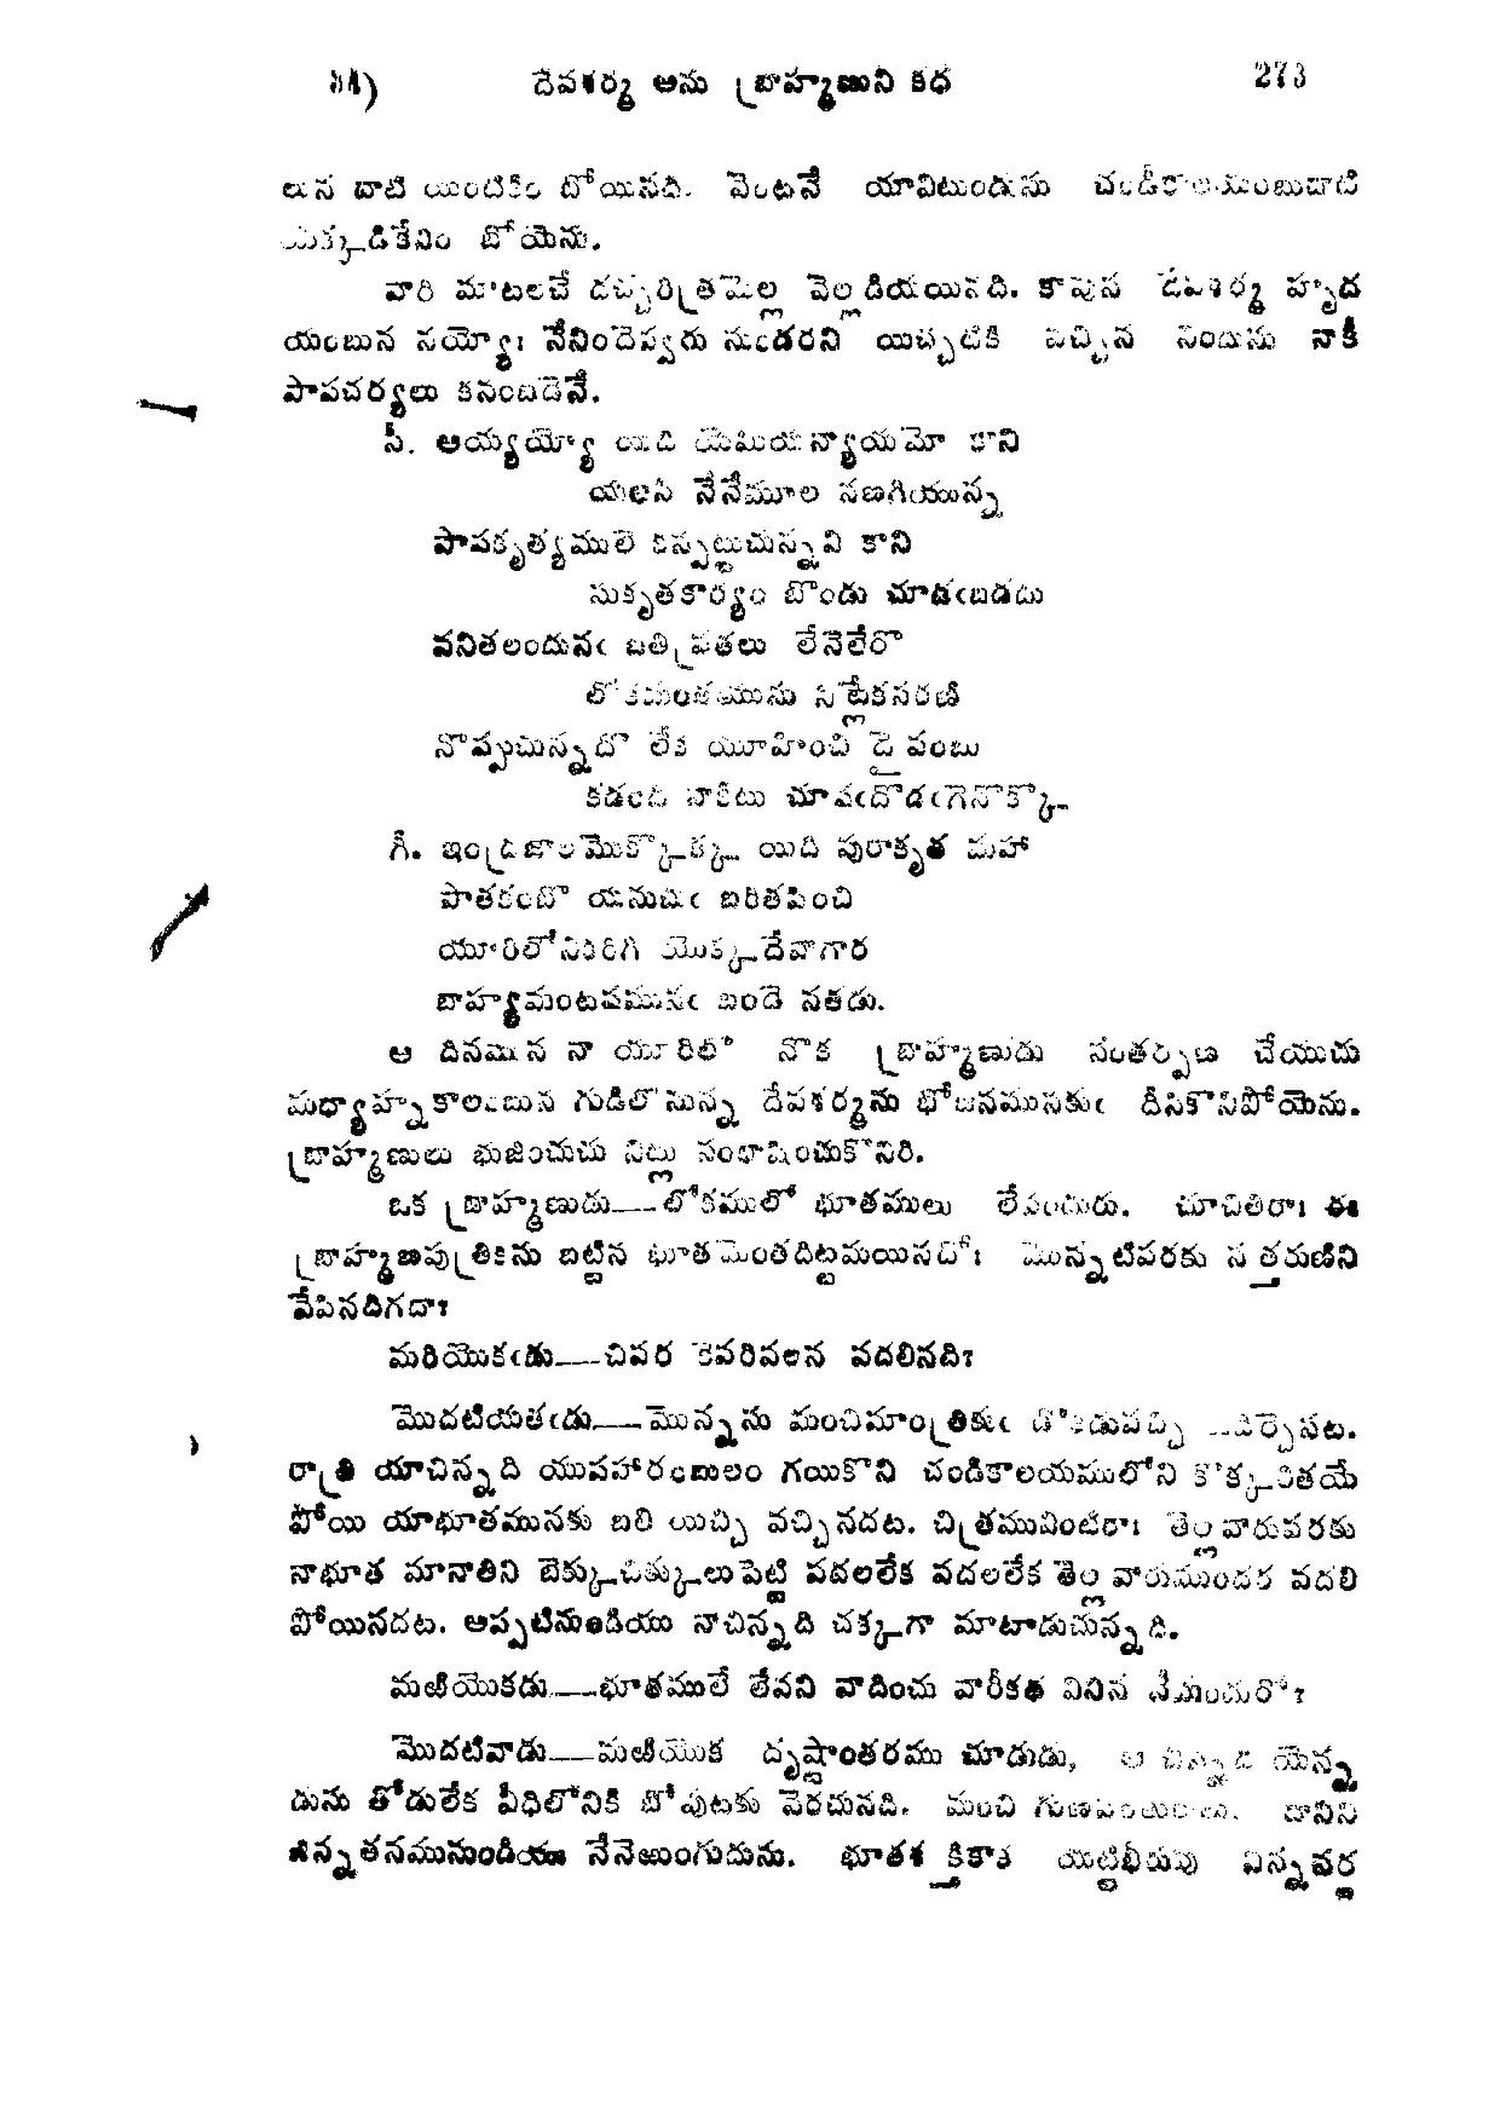లున దాటి యింటికిం బోయినది. వెంటనే యావిటుండును చండీకాలయంబుదాటి యెక్కడికేనిం బోయెను.

వారి మాటలచే దచ్చరిత్రమెల్ల వెల్లడియయినది. కావున దేవశర్మ హృదయంబున నయ్యో! నేనిందెవ్వరు నుండరని యిచ్చటికి వచ్చిన నిందును నాకీ పాపచర్యలు కనంబడెనే.

సీ. అయ్యయ్యో యిది యేమియన్యాయమో కాని
 యలసి నేనేమూల నణగియున్న
 పాపకృత్యములె కన్పట్టుచున్నవి కాని
 సుకృతకార్యం బొండు చూడఁబడదు
 వనితలందునఁ బతివ్రతలు లేనెలేరొ
 లోకమంతయును నిట్లేకసరణి
 నొప్పుచున్నదో లేక యూహించి దైవంబు
 కడంది నాకిటు చూపఁదొడఁగెనొక్కో
గీ. ఇంద్రజాలమొక్కొక్క యిది పురాకృత మహా
 పాతకంబొ యనుచుఁ బరితపించి
 యూరిలోనికరిగి యొక్క దేవాగార
 బాహ్యమంటపమునఁ బండె నతడు.
ఆ దినమున నా యూరిలో నొక బ్రాహ్మణుడు సంతర్పణ చేయుచు మధ్యాహ్నకాలంబున గుడిలొనున్న దేవశర్మను భోజనమునకుఁ దీసికొనిపోయెను. బ్రాహ్మణులు భుజించుచు నిట్లు సంభాషించుకొనిరి.

ఒక బ్రాహ్మణుడు - లోకములో భూతములు లేవందురు. చూచితిరా! ఈ బ్రాహ్మణపుత్రికను బట్టిన భూతమెంతదిట్టమయినదో? మొన్నటివరకు నత్తరుణిని వేపినదిగదా?

మరియొకఁడు - చివర కెవరివలన వదలినది?

మొదటియతఁడు - మొన్నను మంచిమాంత్రికుఁ డొకడువచ్చి కుదిర్చెనట. రాత్రి యాచిన్నది యుపహారంబులం గయికొని చండికాలయములోని కొక్కరితయే పోయి యాభూతమునకు బలి యిచ్చి వచ్చినదట. చిత్రమువింటిరా? తెల్లవారువరకు నాభూత మానాతిని బెక్కుచిక్కులుపెట్టి వదలలేక వదలలేక తెల్లవారుముందర వదలి పోయినదట. అప్పటినుండియు నాచిన్నది చక్కగా మాటాడుచున్నది.

మఱియొకడు - భూతములే లేవని వాదించు వారీకథ వినిన నేమందురో?

మొదటివాడు - మఱియొక దృష్టాంతరము చూడుడు, ఆ చిన్నది యెన్నడును తోడులేక వీథిలోనికి బోవుటకు వెరచునది. మంచి గుణవంతురాలు. దానిని జిన్నతనమునుండియు నేనెఱుంగుదును. భూతశక్తికాక యట్టిభీరువు నిన్నవర్ణ